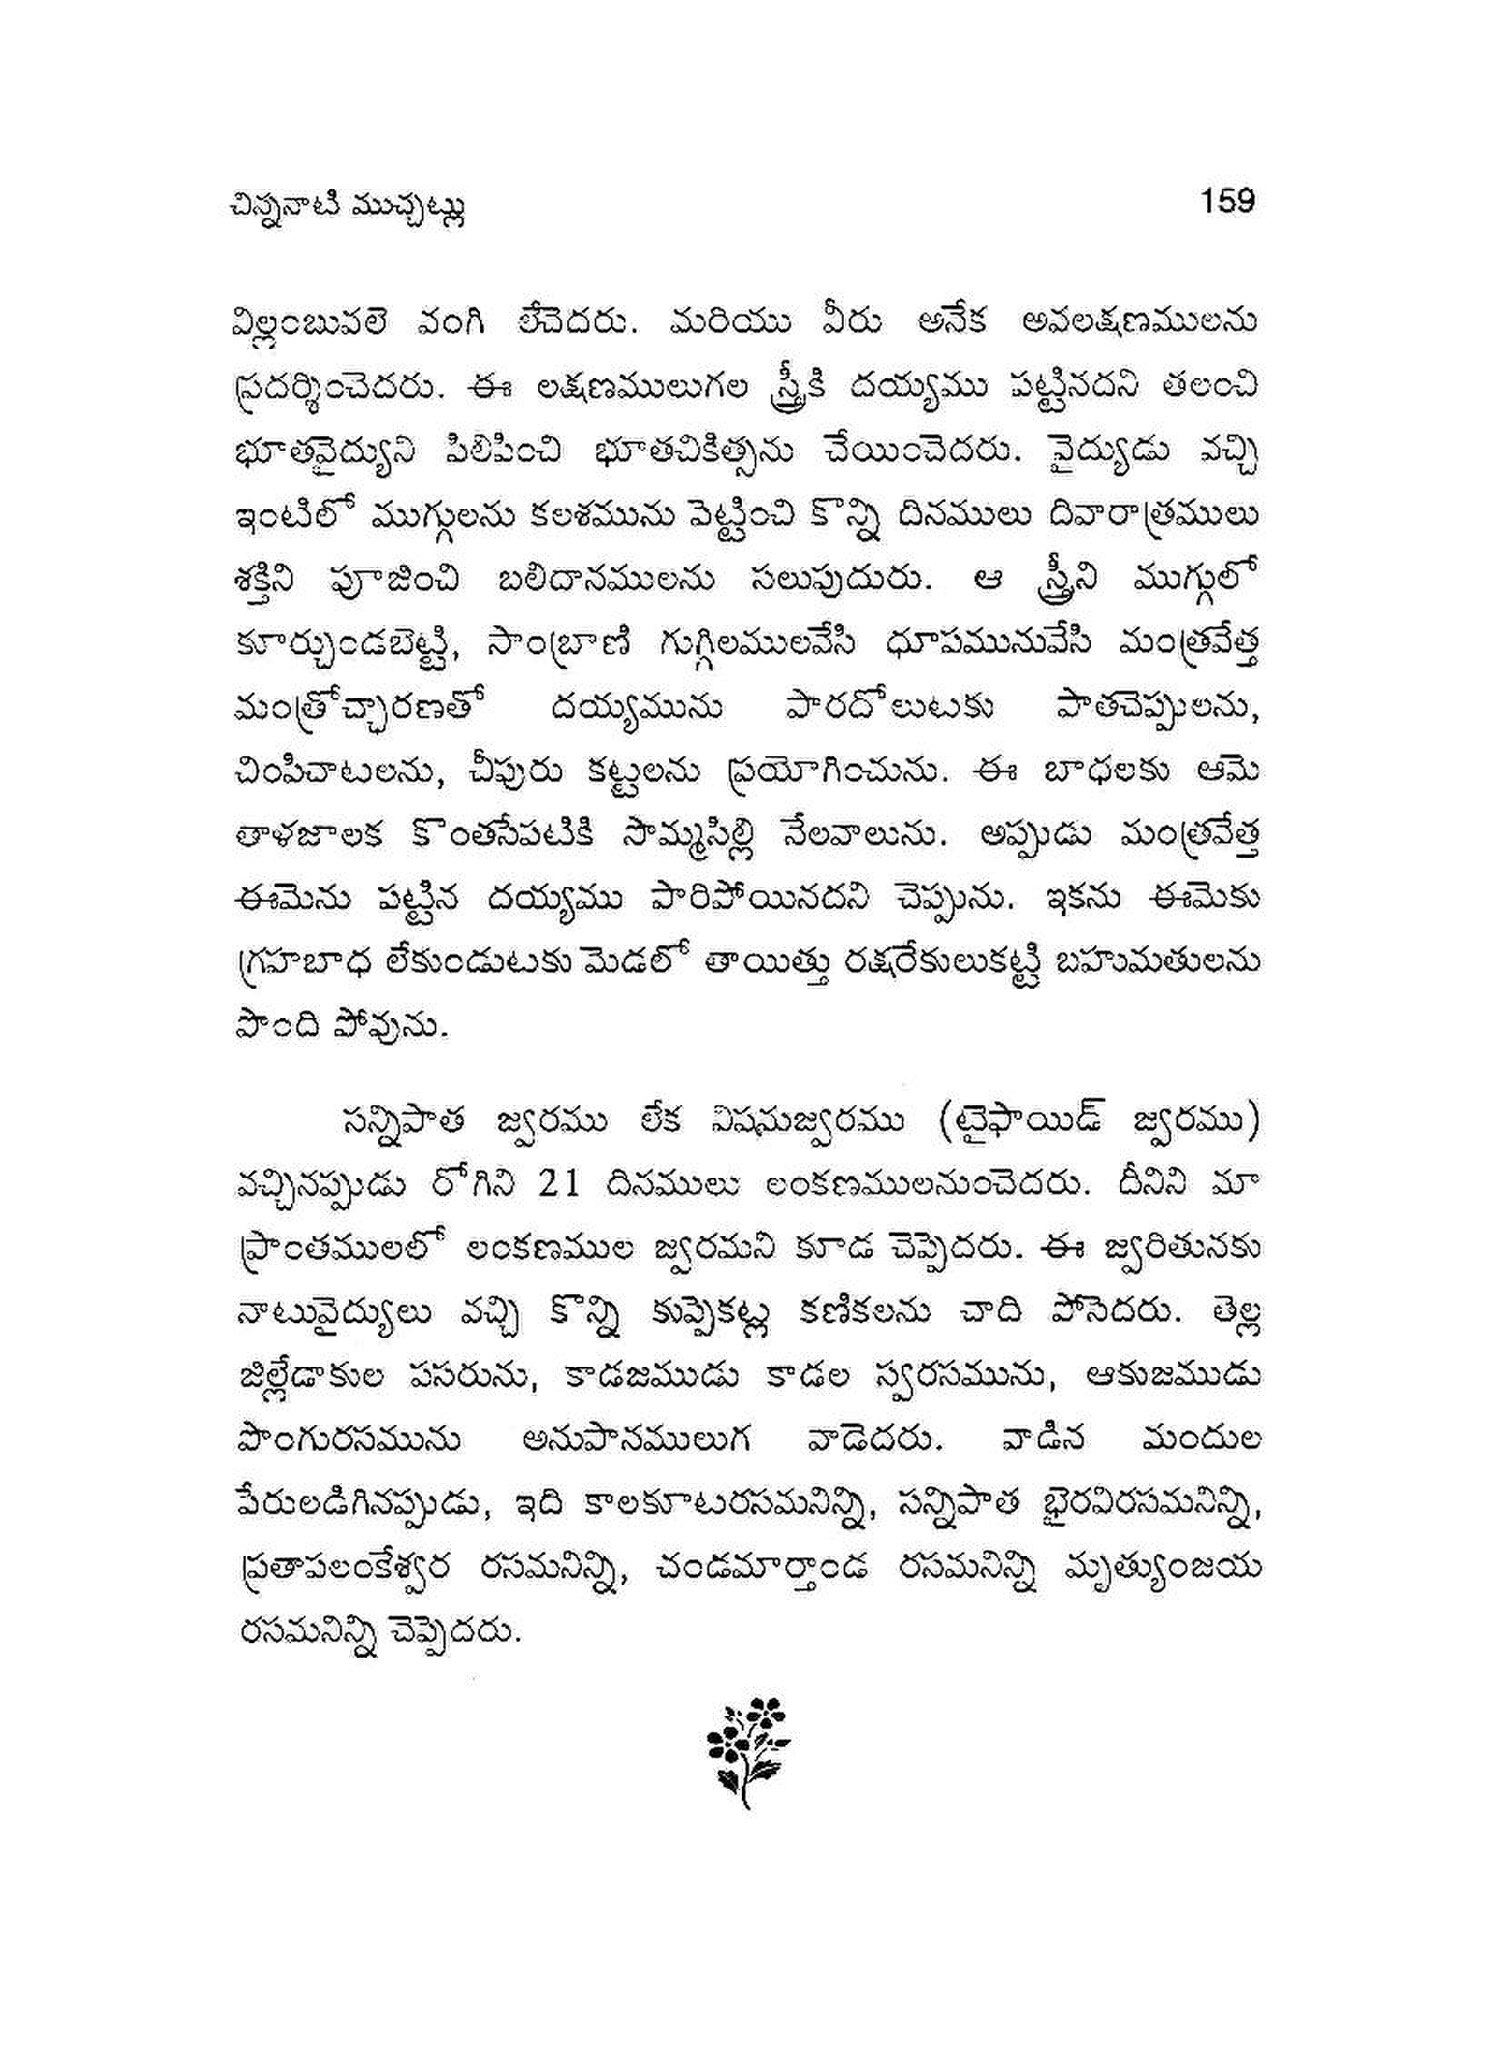విల్లంబువలె వంగి లేచెదరు. మరియు వీరు అనేక అవలక్షణములను ప్రదర్శించెదరు. ఈ లక్షణములుగల స్త్రీకి దయ్యము పట్టినదని తలంచి భూతవైద్యుని పిలిపించి భూతచికిత్సను చేయించెదరు. వైద్యుడు వచ్చి ఇంటిలో ముగ్గులను కలశమును పెట్టించి కొన్ని దినములు దివారాత్రములు శక్తిని పూజించి బలిదానములను సలుపుదురు. ఆ స్త్రీని ముగ్గులో కూర్చుండబెట్టి, సాంబ్రాణి గుగ్గిలములవేసి ధూపమునువేసి మంత్రవేత్త మంత్రోచ్చారణతో దయ్యమును పారదోలుటకు పాతచెప్పులను, చింపిచాటలను, చీపురు కట్టలను ప్రయోగించును. ఈ బాధలకు ఆమె తాళజాలక కొంతసేపటికి సొమ్మసిల్లి నేలవాలును. అప్పడు మంత్రవేత్త ఈమెను పట్టిన దయ్యము పారిపోయినదని చెప్పును. ఇకను ఈమెకు గ్రహబాధ లేకుండుటకు మెడలో తాయిత్తు రక్షరేకులుకట్టి బహుమతులను పొంది పోవును.

సన్నిపాత జ్వరము లేక విషమజ్వరము (టైఫాయిడ్ జ్వరము) వచ్చినప్పుడు రోగిని 21 దినములు లంకణములనుంచెదరు. దీనిని మా ప్రాంతములలో లంకణముల జ్వరమని కూడ చెప్పెదరు. ఈ జ్వరితునకు నాటువైద్యులు వచ్చి కొన్ని కుప్పెకట్లు కణికలను చాది పోసెదరు. తెల్ల జిల్లేడాకుల పసరును, కాడజముడు కాడల స్వరసమును, ఆకుజముడు పొంగురసమును అనుపానములుగ వాడెదరు. వాడిన మందుల పేరులడిగినప్పుడు, ఇది కాలకూటరసమనిన్ని, సన్నిపాత భైరవిరసమనిన్ని, ప్రతాపలంకేశ్వర రసమనిన్ని, చండమార్తాండ రసమనిన్ని మృత్యుంజయ రసమనిన్ని చెప్పెదరు.